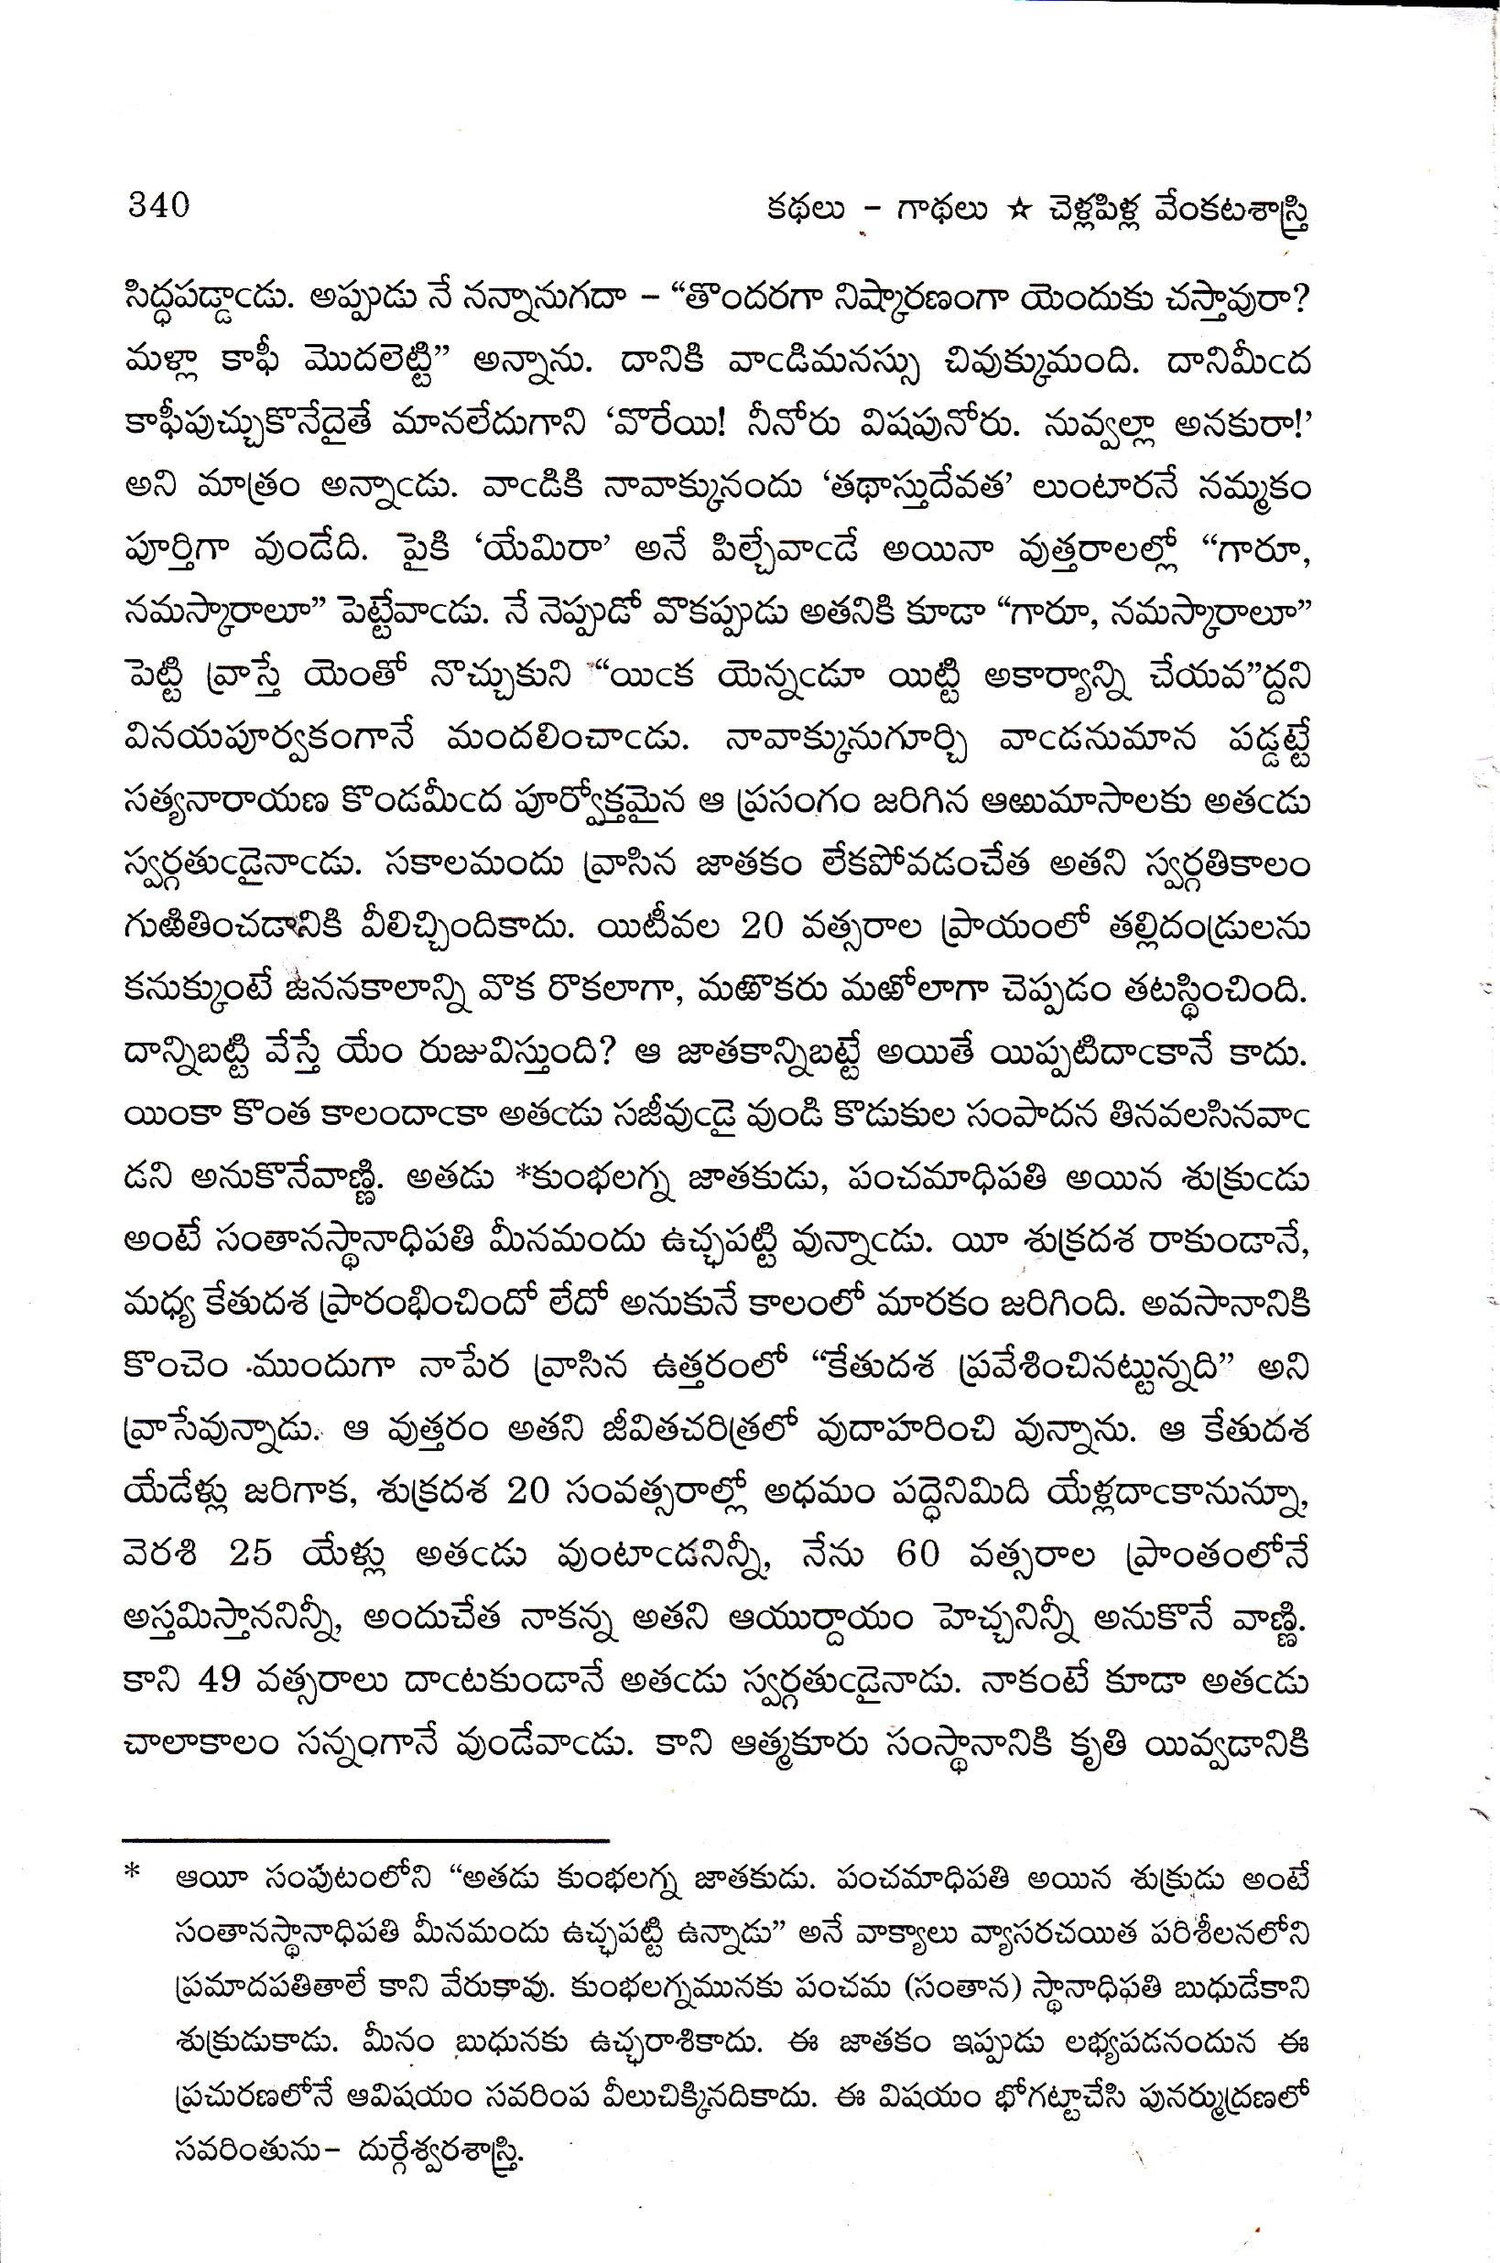సిద్ధపడ్డాఁడు. అప్పుడు నే నన్నానుగదా - "తొందరగా నిష్కారణంగా యెందుకు చస్తావురా? మళ్లా కాఫీ మొదలెట్టి" అన్నాను. దానికి వాఁడిమనస్సు చివుక్కుమంది. దానిమీఁద కాఫీపుచ్చుకొనేదైతే మానలేదుగాని “వొరేయి! నీనోరు విషపునోరు. నువ్వల్లా అనకురా!" అని మాత్రం అన్నాఁడు. వాఁడికి నావాక్కునందు 'తథాస్తుదేవత' లుంటారనే నమ్మకం పూర్తిగా వుండేది. పైకి 'యేమిరా' అనే పిల్చేవాఁడే అయినా వుత్తరాలల్లో “గారూ, నమస్కారాలూ పెట్టేవాఁడు. నే నెప్పుడో వొకప్పుడు అతనికి కూడా "గారూ, నమస్కారాలూ" పెట్టి వ్రాస్తే యెంతో నొచ్చుకుని “యిక యెన్నఁడూ యిట్టి అకార్యాన్ని చేయవ"ద్దని వినయపూర్వకంగానే మందలించాఁడు. నావాక్కునుగూర్చి వాఁడనుమాన పడ్డట్టే సత్యనారాయణ కొండమీఁద పూర్వోక్తమైన ఆ ప్రసంగం జరిగిన ఆఱుమాసాలకు అతఁడు స్వర్గతుఁడైనాఁడు. సకాలమందు వ్రాసిన జాతకం లేకపోవడంచేత అతని స్వర్గతికాలం గుఱితించడానికి వీలిచ్చిందికాదు. యిటీవల 20 వత్సరాల ప్రాయంలో తల్లిదండ్రులను కనుక్కుంటే ఉననకాలాన్ని వొక రొకలాగా, మఱొకరు మఱోలాగా చెప్పడం తటస్థించింది. దాన్నిబట్టి వేస్తే యేం రుజువిస్తుంది? ఆ జాతకాన్నిబట్టే అయితే యిప్పటిదాఁకానే కాదు. యింకా కొంత కాలందాఁకా అతcడు సజీవుఁడై వుండి కొడుకుల సంపాదన తినవలసినవాఁ డని అనుకొనేవాణ్ణి. అతడు *కుంభలగ్న జాతకుడు, పంచమాధిపతి అయిన శుక్రుఁడు అంటే సంతానస్థానాధిపతి మీనమందు ఉచ్ఛపట్టి వున్నాఁడు. యీ శుక్రదశ రాకుండానే, మధ్య కేతుదశ ప్రారంభించిందో లేదో అనుకునే కాలంలో మారకం జరిగింది. అవసానానికి కొంచెం ముందుగా నాపేర వ్రాసిన ఉత్తరంలో "కేతుదశ ప్రవేశించినట్టున్నది" అని వ్రాసేవున్నాడు. ఆ వత్తరం అతని జీవితచరిత్రలో వుదాహరించి వున్నాను. ఆ కేతుదశ యేడేళ్లు జరిగాక, శుక్రదశ 20 సంవత్సరాల్లో అధమం పద్దెనిమిది యేళ్లదాఁకానున్నూ వెరశి 25 యేళ్లు అతఁడు వుంటాఁడనిన్నీ నేను 60 వత్సరాల ప్రాంతంలోనే అస్తమిస్తాననిన్నీ అందుచేత నాకన్న అతని ఆయుర్ధాయం హెచ్చనిన్నీ అనుకొనే వాణ్ణి. కాని 49 వత్సరాలు దాఁటకుండానే అతఁడు స్వర్గతుఁడైనాడు. నాకంటే కూడా అతఁడు చాలాకాలం సన్నంగానే వుండేవాఁడు. కాని ఆత్మకూరు సంస్థానానికి కృతి యివ్వడానికి